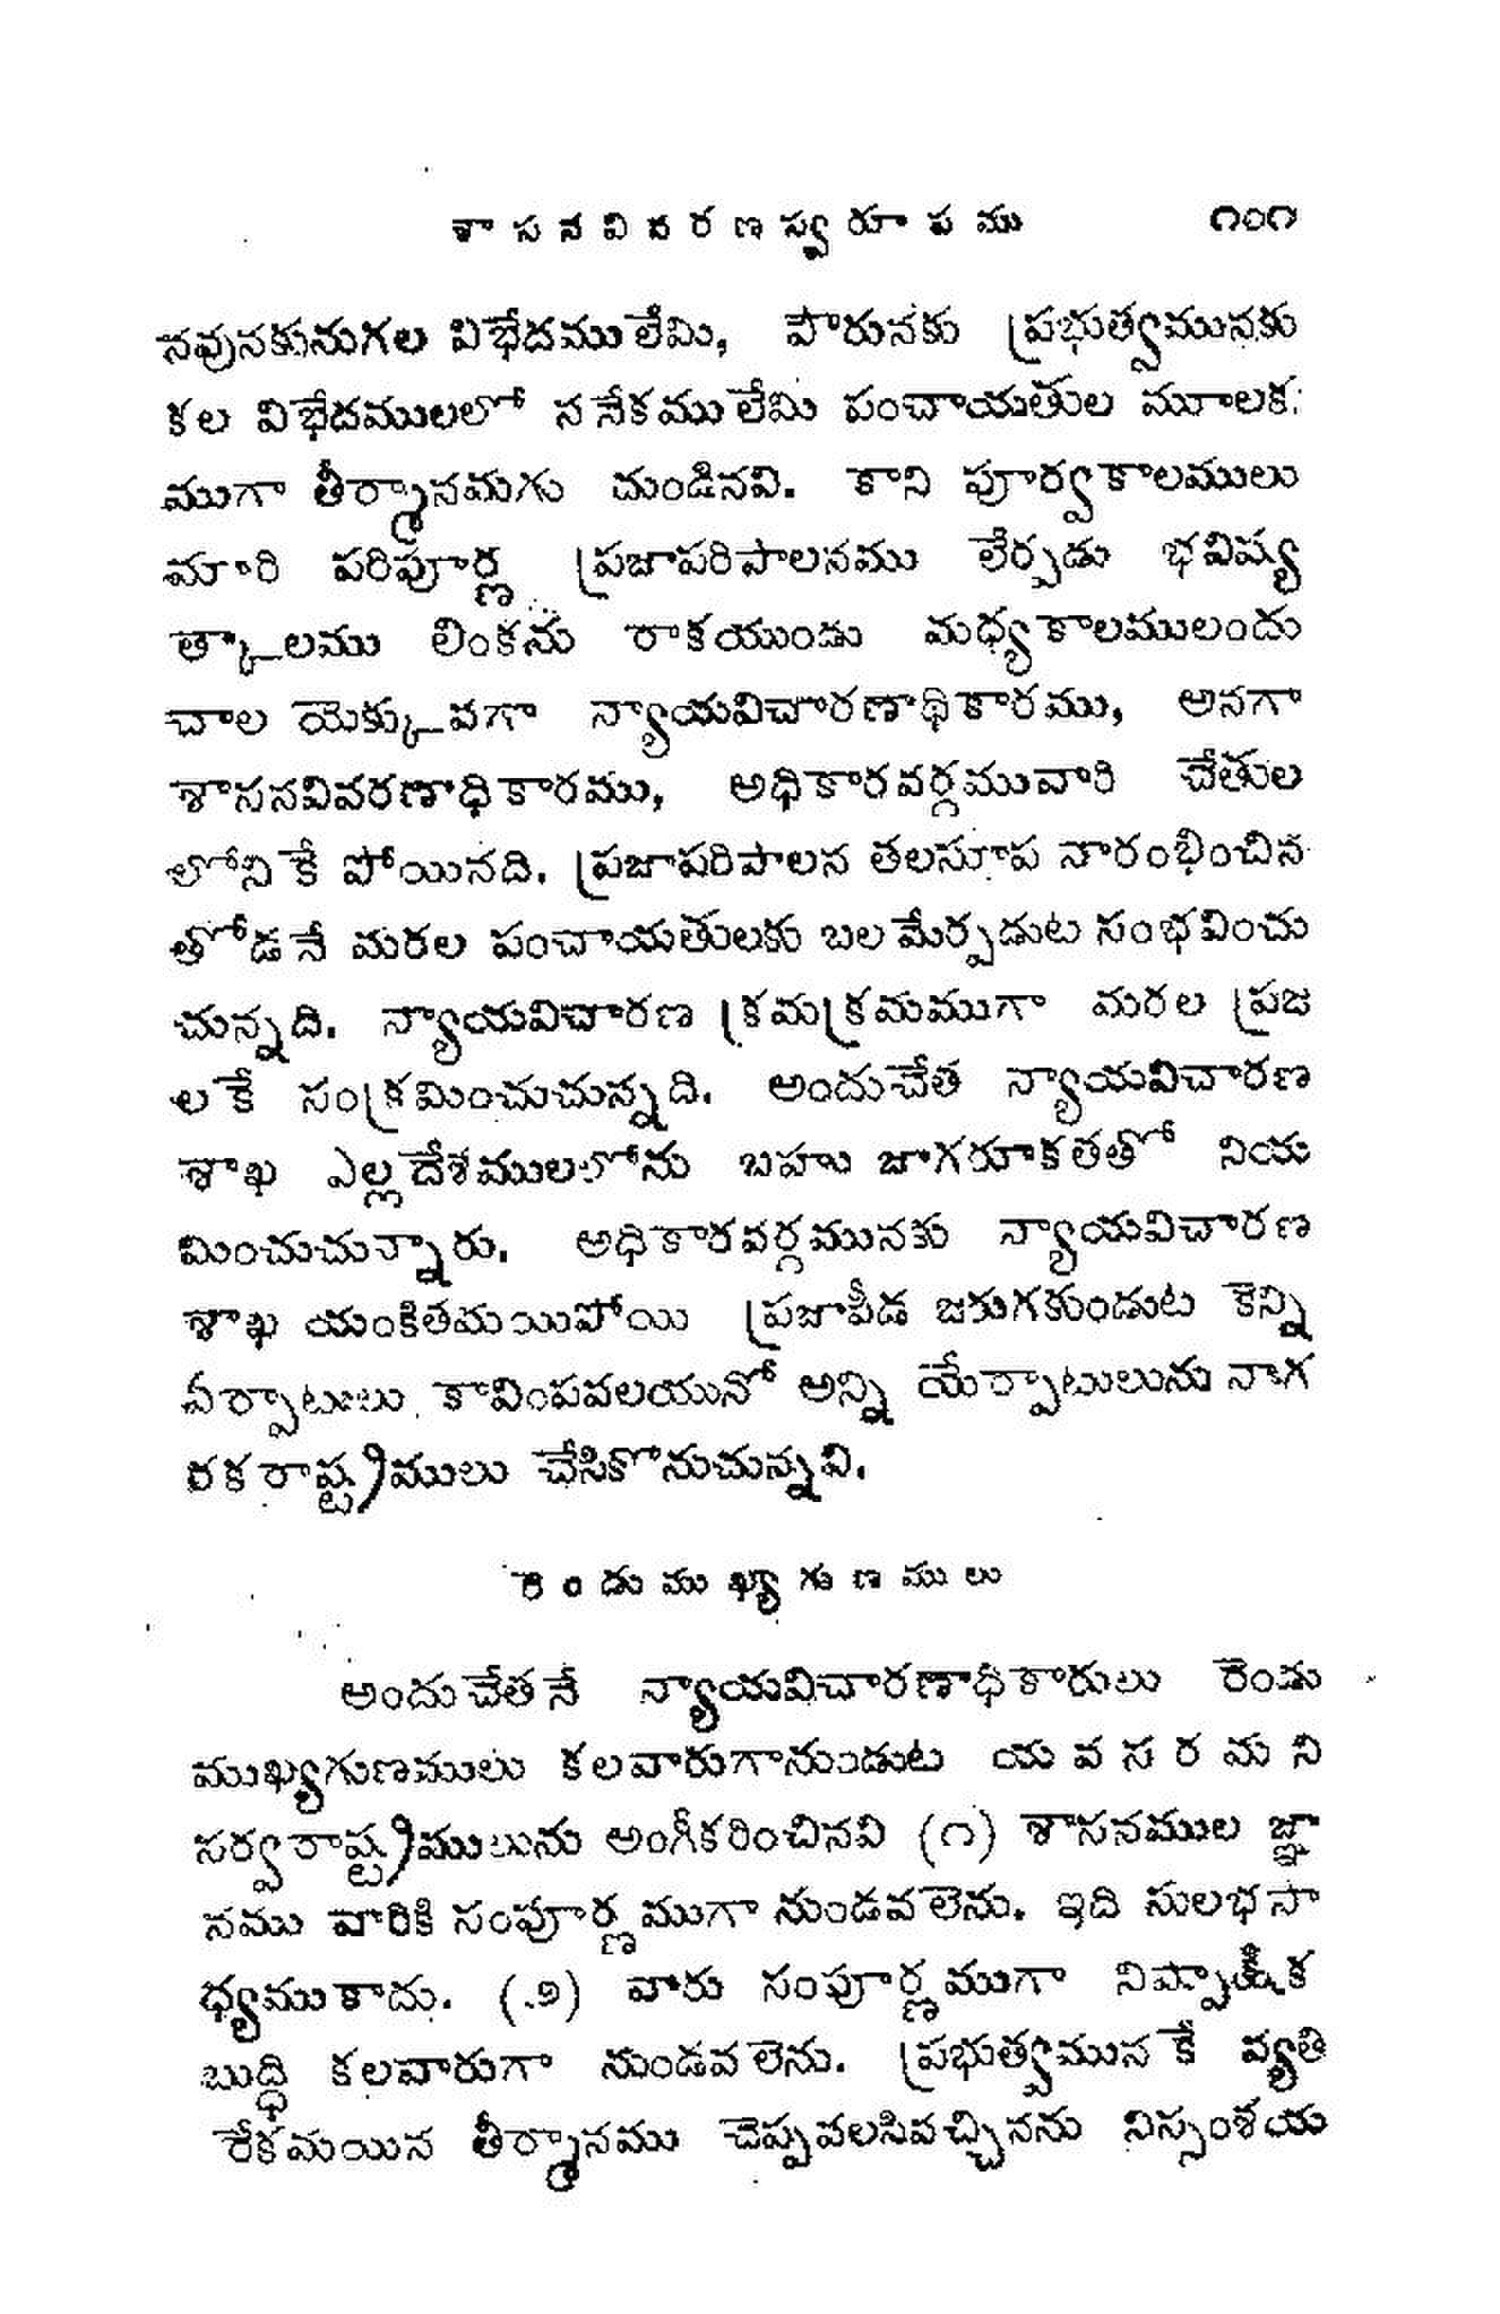నవునకునుగల విభేదములేమి, పౌరునకు ప్రభుత్వమునకు కల విభేదములలో ననేకములేమి పంచాయతుల మూలకముగా తీర్మానమగు చుండినవి. కాని పూర్వకాలములు మారి పరిపూర్ణ ప్రజాపరిపాలనము లేర్చడు భవిష్యత్కాలము లింకను రాకయుండు మధ్యకాలములందు చాల యెక్కువగా న్యాయవిచారణాథికారము, అనగా శాసనవివరణాధికారము, అధికారవర్గమువారి చేతుల
లోనికే పోయినది. ప్రజాపరిపాలన తలసూప నారంభించినతోడనే మరల పంచాయతులకు బల మేర్పడుట సంభవించుచున్నది. న్యాయవిచారణ క్రమక్రమముగా మరల ప్రజలకే సంక్రమించుచున్నది. అందుచేత న్యాయవిచారణశాఖ ఎల్లదేశములలోను బహు జాగరూకతతో నియమించుచున్నారు. అధికారవర్గమునకు న్యాయవిచారణ శాఖ యంకితమయిపోయి ప్రజాపీడ జరుగకుండుట కెన్ని
ఏర్పాటులు, కావింపవలయునో యేర్పాటులును నాగరకరాష్ట్రములు చేసికొనుచున్నవి.

అందుచేతనే న్యాయవిచారణాధికారులు రెండు ముఖ్యగుణములు కలవారుగానుండుట యవసరమని సర్వరాష్ట్రములును అంగీకరించినవి (1) శాసనముల జ్ఞానము వారికి సంపూర్ణముగా నుండవలెను. ఇది సులభసాధ్యము కాదు. (2) వారు సంపూర్ణముగా నిష్పాక్షిక బుద్ధి కలవారుగా నుండవలెను. ప్రభుత్వమునకే వ్యతిరేకమయిన తీర్మానము చెప్పవలసివచ్చినను నిస్సంశయ